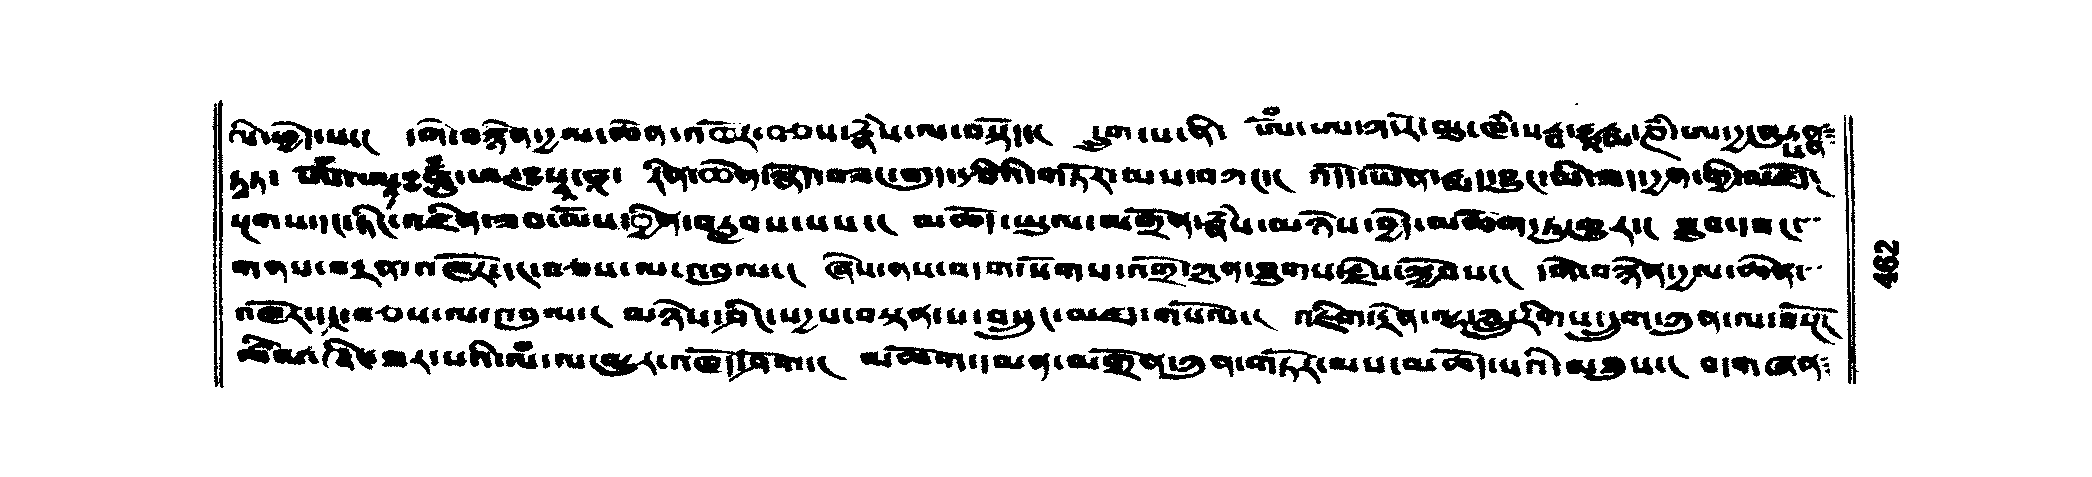མི་ཕྱེད་པ། །དགེ་བསྙེན་རྒྱལ་ཆེན་འཁོར་བཅས་རྣམས་ལ་བསྟོད། དྲུག་པ་ནི། ཨྃ་ཨ་ཀ་རོ་མུ་ཁཾ་སརྦ་དྷརྨ་ཎཾ་ཨརྻ་ནུཏྤནྣ་
ཏྭཏ་ཨོཾ་ཨཱཿཧཱུྃ་ཕཊཿསྭ་ཧཱ། རིན་ཆེན་སྣོད་བཟང་བདུད་རྩིའི་གཏོར་མས་བཀང་། འདོད་ཡོན་རྨད་བྱུང་མི་ཟད་རྒྱན་གྱི་མཛོད། །
སྔགས་དང་ཏིང་འཛིན་ཟབ་མོས་བྱིན་བརླབས་པས། །མཆོད་ཡུལ་མགྲོན་རྣམས་མཉེས་བྱེད་མཆོག་ཏུ་གྱུར། །ཐུབ་དབང་
གནས་བརྟན་འཁོར་དང་བཅས་ལ་འབུལ། ཞེས་པ་ནས་བདག་སོགས་འགྲོ་ཀུན་ཐུགས་རྗེས་སྐྱོབས། །དགེ་བསྙེན་རྒྱལ་ཆེན་
འཁོར་དང་བཅས་ལ་འབུལ། །མཉེས་ཤིང་སངས་རྒྱས་བསྟན་པ་བསྲུང་མཛད་གསོལ། །འཇིག་རྟེན་ལྷ་ཀླུ་རིགས་དྲུག་ཀུན་ལ་བསྔོ། 
ཚིམ་ཞིང་ཐར་བའི་ལམ་ལ་མྱུར་འཁོད་ཤོག །མཆོག་དམན་འགྲོ་ཀུན་གཏོར་མས་མཆོད་པའི་མཐུས། །བདག་གཞན་